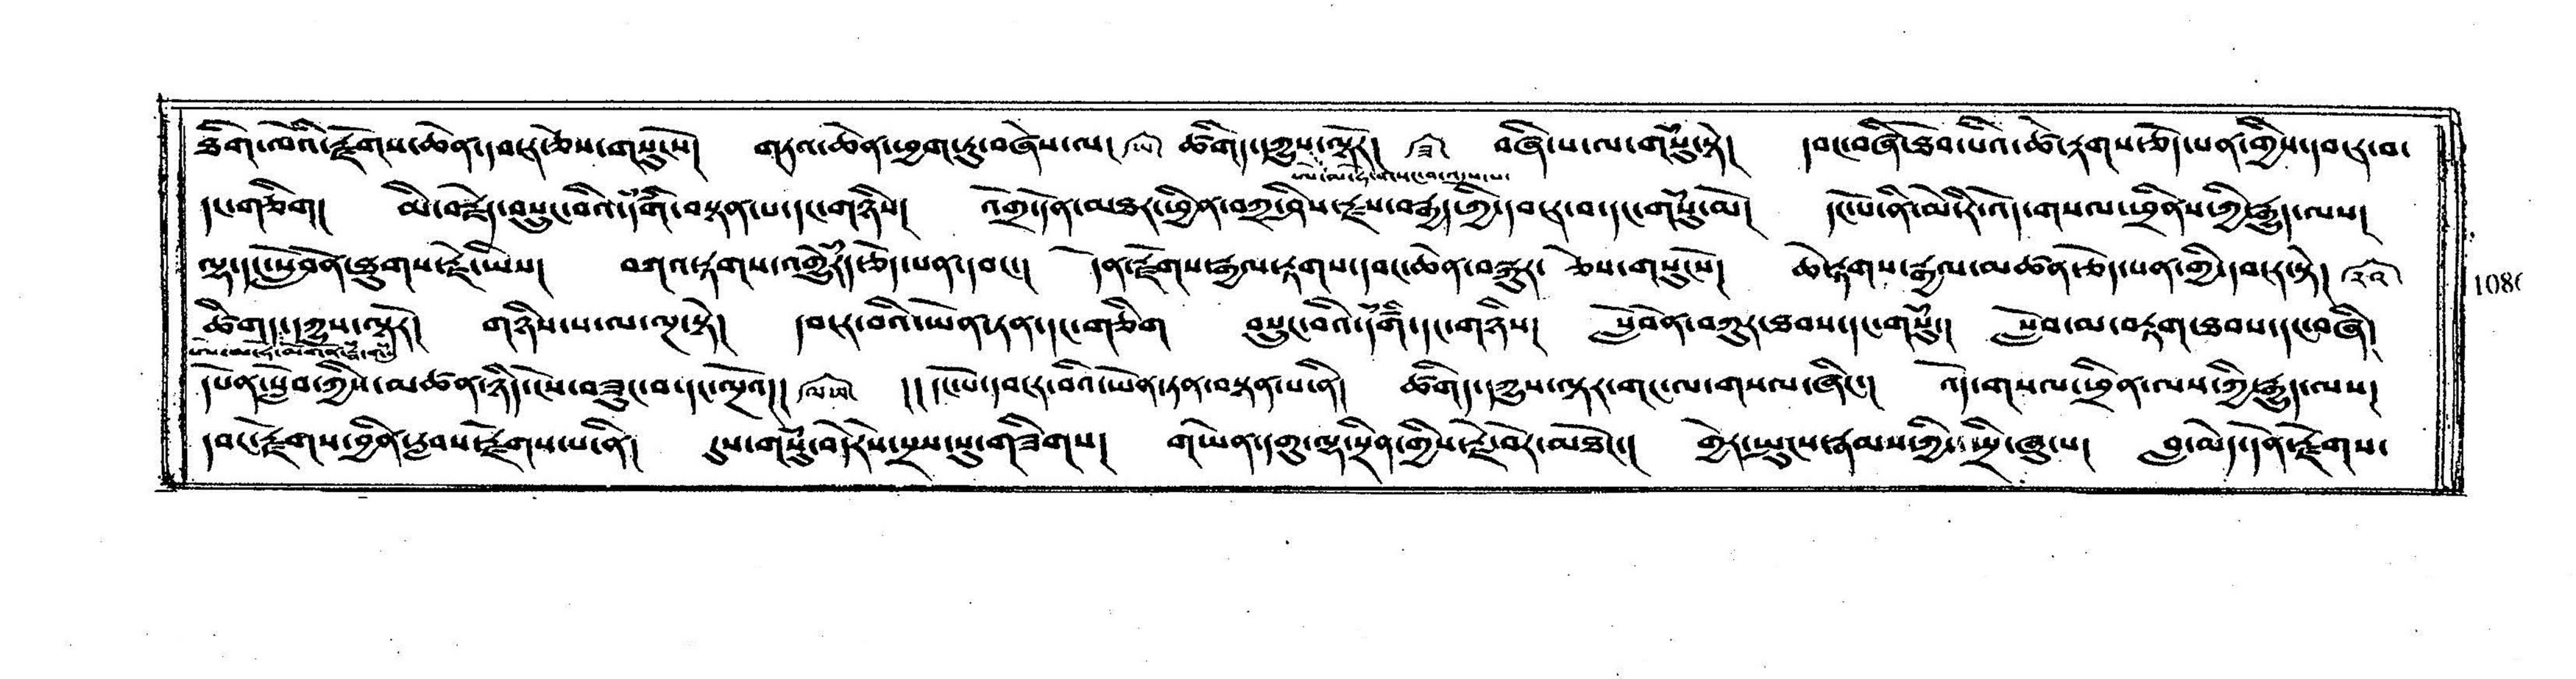ཐིག་ལེའི་རྫོགས་ཆེན་དབང་བསྐུར་ཅེས་གསུངས་སོ། གཏའ་ཆེན་ཕྱག་ཏུ་བཞེས་ལ། ༼ཡ༽ ཚིག་བཤད་དཀྱུས་ཨེ་མ་ཧོ་གསང་བ་འདུས་པ་ལྟར་རོ། ༼ཟ༽ བཞི་པ་ལ་གསུམ་སྟེ། དབང་བཞི་ཐོབ་པའི་ཚེ་རྟགས་ཅོད་པན་གྱིས་དབང་བསྐུར་བ་
དང་གཅིག མི་བརྗེད་བསྲུང་བའི་དམ་ཚིག་བསྟན་པ་དང་གཉིས། འགྲོ་དོན་མཐར་ཕྱིན་བཀྲ་ཤིས་རྫས་བརྒྱད་ཀྱི་དབང་བསྐུར་བ་དང་གསུམ་མོ། དང་པོ་ནི་མེ་རི་འོད་གསལ་ཕྲིན་ལས་ཀྱི་རྒྱུད་ལས། 
ལྷ་དང་སློབ་དཔོན་ཐུགས་རྗེ་ཡིས། བཀའ་རྟགས་འགྱུར་མེད་ཅོད་པན་དབང་། དོན་རྫོགས་རྒྱལ་རྟགས་དབང་ཆེན་བསྐུར་ཅེས་གསུངས་སོ། ཆེ་རྟགས་རྒྱལ་མཚན་ཅོད་པན་གྱི་དབང་བསྐུར་སྟེ། ༼རའ༽
ཚིག་བཤད་ཨེ་མ་ཧོ་མགོན་རྣམ་གསུམ་དཀྱུས་ལྟར་རོ། གཉིས་པ་ལ་ལྔ་སྟེ། དབང་བསྐུར་བའི་ཡོན་ཏན་དང་གཅིག བསྲུང་བའི་དམ་ཚིག་དང་གཉིས། སློབ་དཔོན་བཀུར་ཐབས་དང་གསུམ། སློབ་མ་བརྟག་ཐབས་དང་བཞི། 
དཔོན་སློབ་ཀྱིས་མཚན་ཉིད་ངོས་བཟུང་བ་དང་ལྔའོ།། ༼ལཡ༽ །།དང་པོ་དབང་བསྐུར་བའི་ཡོན་ཏན་བསྟན་པ་ནི། ཚིག་བཤད་དཀྱུས་ལྟར་གང་ལ་གསལ་ཞིང་། འོད་གསལ་ཕྲིན་ལས་ཀྱི་རྒྱུད་ལས། 
དབང་རྫོགས་བྱིན་རླབས་རྫོགས་པ་ནི། དུས་གསུམ་བདེར་གཤེགས་སྲས་སུ་གཟིགས། གཡེན་དགུ་ལྷ་སྲིན་གྱིས་རྗེ་བོར་མཐོང་། གྱེར་སྤུངས་རྣམས་ཀྱི་སྲི་ཞུ་པ། བླ་མེད་དོན་རྫོགས་